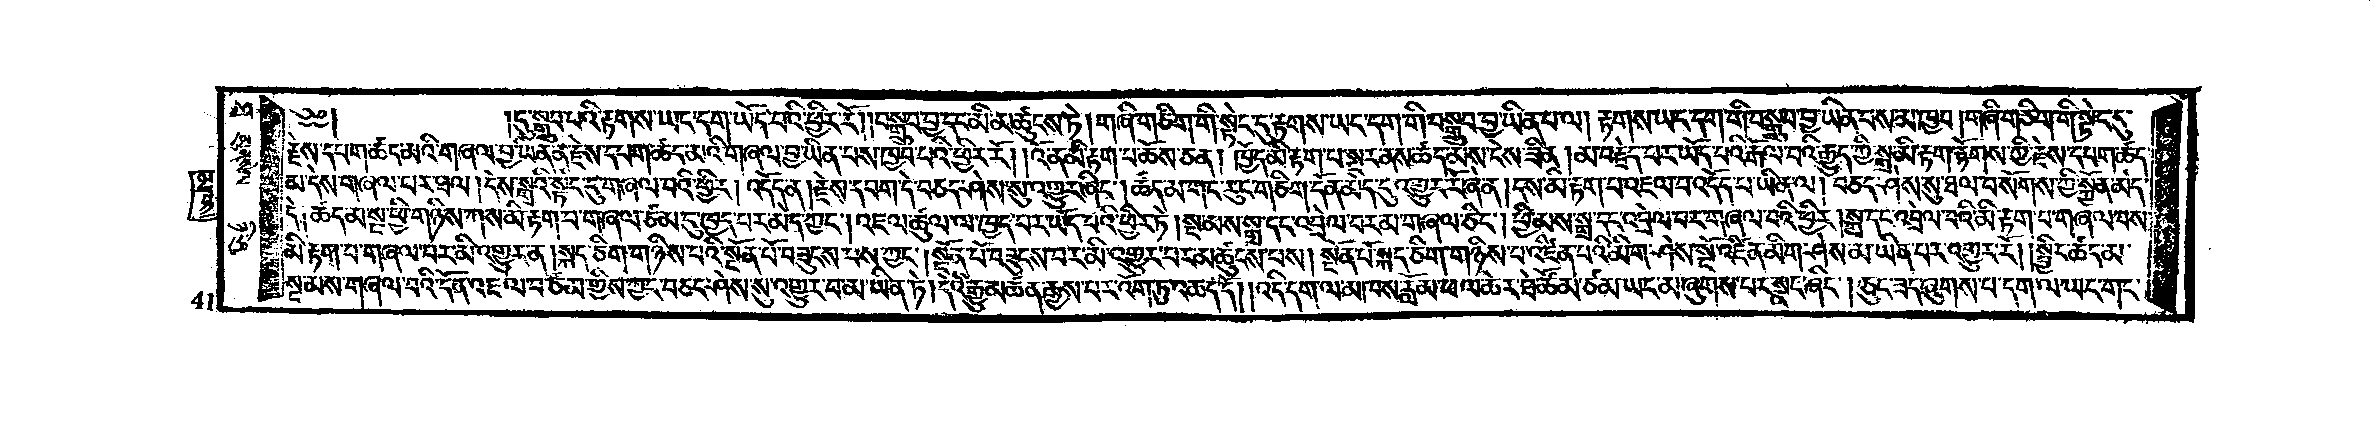༄༅། །དུ་སྒྲུབ་པའི་རྟགས་ཡང་དག་ཡོད་པའི་ཕྱིར་རོ། །བསྒྲུབ་བྱ་དང་མི་མཚུངས་ཏེ། གཞི་གཅིག་གི་སྟེང་དུ་རྟགས་ཡང་དག་གི་བསྒྲུབ་བྱ་ཡིན་པ་ལ། རྟགས་ཡང་དག་གི་བསྒྲུབ་བྱ་ཡིན་པས་མ་ཁྱབ། གཞི་གཅིག་གི་སྟེང་དུ་
རྗེས་དཔག་ཚད་མའི་གཞལ་བྱ་ཡིན་ན་རྗེས་དཔག་ཚད་མའི་གཞལ་བྱ་ཡིན་པས་ཁྱབ་པའི་ཕྱིར་རོ། །འོ་ན་མི་རྟག་པ་ཆོས་ཅན། ཁྱོད་མི་རྟག་པ་སྔར་ནས་ཚད་མས་ངེས་ཟིན། མ་བརྗེད་པར་ཡོད་པའི་རྒོལ་བའི་རྒྱུད་ཀྱི་སྒྲ་མི་རྟག་རྟོགས་ཀྱི་རྗེས་དཔག་ཚད་
མ་དེས་གཞལ་པར་ཐལ། དེས་སྒྲའི་སྟེང་དུ་གཞལ་བའི་ཕྱིར། འདོད་ན། རྗེས་དཔག་དེ་བཅད་ཤེས་སུ་འགྱུར་ཞིང་། ཚད་མ་གང་རུང་གཅིག་དོན་མེད་དུ་འགྱུར་རོ་ཞེ་ན། དེས་མི་རྟག་པ་འཇལ་བ་འདོད་པ་ཡིན་ལ། བཅད་ཤེས་སུ་ཐལ་བ་སོགས་ཀྱི་སྐྱོན་མེད་
དེ། ཚད་མ་སྔ་ཕྱི་གཉིས་ཀས་མི་རྟག་པ་གཞལ་ཙམ་དུ་ཁྱད་པར་མེད་ཀྱང་། འཇལ་ཚུལ་ལ་ཁྱད་པར་ཡོད་པའི་ཕྱིར་ཏེ། སྔ་མས་སྒྲ་དང་འབྲེལ་བར་མ་གཞལ་ཅིང་། ཕྱི་མས་སྒྲ་དང་འབྲེལ་བར་གཞལ་བའི་ཕྱིར། སྒྲ་དང་འབྲེལ་བའི་མི་རྟག་པ་གཞལ་བས་
མི་རྟག་པ་གཞལ་བར་མི་འགྱུར་ན། སྐད་ཅིག་གཉིས་པའི་སྔོན་པོ་བཟུངས་པས་ཀྱང་། སྔོན་པོ་བཟུངས་བར་མི་འགྱུར་བར་མཚུངས་པས། སྔོན་པོ་སྐད་ཅིག་གཉིས་པ་འཛིན་པའི་མིག་ཤེས་སྔོ་འཛིན་མིག་ཤེས་མ་ཡིན་པར་འགྱུར་རོ། །སྤྱིར་ཚད་མ་
སྔ་མས་གཞལ་བའི་དོན་འཇལ་བ་ཙམ་གྱིས་ཀྱང་བཅད་ཤེས་སུ་འགྱུར་བ་མ་ཡིན་ཏེ། དེའི་རྒྱུ་མཚན་རྒྱས་པར་འོག་ཏུ་འཆད་དོ། །འདི་དག་ལ་མཁས་རློམ་ཕལ་ཆེར་ཐེ་ཚོམ་ཙམ་ཡང་མ་ཞུགས་པར་སྣང་ཞིང་། ཅུང་ཟད་ཞུགས་པ་དག་ལ་ཡང་གང་